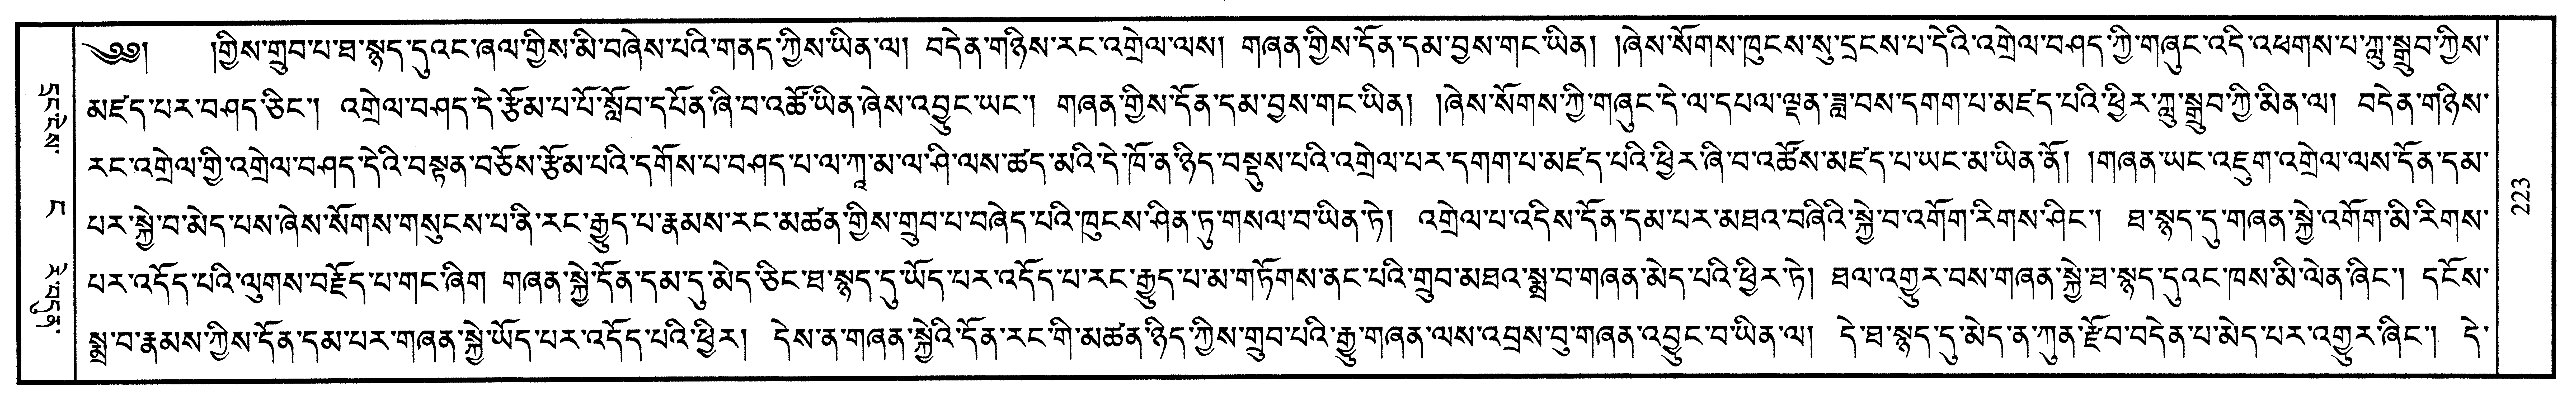༄༅། །གྱིས་གྲུབ་པ་ཐ་སྙད་དུའང་ཞལ་གྱིས་མི་བཞེས་པའི་གནད་ཀྱིས་ཡིན་ལ། བདེན་གཉིས་རང་འགྲེལ་ལས། གཞན་གྱིས་དོན་དམ་བྱས་གང་ཡིན། །ཞེས་སོགས་ཁུངས་སུ་དྲངས་པ་དེའི་འགྲེལ་བཤད་ཀྱི་གཞུང་འདི་འཕགས་པ་ཀླུ་སྒྲུབ་ཀྱིས་
མཛད་པར་བཤད་ཅིང་། འགྲེལ་བཤད་དེ་རྩོམ་པ་པོ་སློབ་དཔོན་ཞི་བ་འཚོ་ཡིན་ཞེས་འབྱུང་ཡང་། གཞན་གྱིས་དོན་དམ་བྱས་གང་ཡིན། །ཞེས་སོགས་ཀྱི་གཞུང་དེ་ལ་དཔལ་ལྡན་ཟླ་བས་དགག་པ་མཛད་པའི་ཕྱིར་ཀླུ་སྒྲུབ་ཀྱི་མིན་ལ། བདེན་གཉིས་
རང་འགྲེལ་གྱི་འགྲེལ་བཤད་དེའི་བསྟན་བཅོས་རྩོམ་པའི་དགོས་པ་བཤད་པ་ལ་ཀཱ་མ་ལ་ཤི་ལས་ཚད་མའི་དེ་ཁོ་ན་ཉིད་བསྡུས་པའི་འགྲེལ་པར་དགག་པ་མཛད་པའི་ཕྱིར་ཞི་བ་འཚོས་མཛད་པ་ཡང་མ་ཡིན་ནོ། །གཞན་ཡང་འཇུག་འགྲེལ་ལས་དོན་དམ་
པར་སྐྱེ་བ་མེད་པས་ཞེས་སོགས་གསུངས་པ་ནི་རང་རྒྱུད་པ་རྣམས་རང་མཚན་གྱིས་གྲུབ་པ་བཞེད་པའི་ཁུངས་ཤིན་ཏུ་གསལ་བ་ཡིན་ཏེ། འགྲེལ་པ་འདིས་དོན་དམ་པར་མཐའ་བཞིའི་སྐྱེ་བ་འགོག་རིགས་ཤིང་། ཐ་སྙད་དུ་གཞན་སྐྱེ་འགོག་མི་རིགས་
པར་འདོད་པའི་ལུགས་བརྗོད་པ་གང་ཞིག །གཞན་སྐྱེ་དོན་དམ་དུ་མེད་ཅིང་ཐ་སྙད་དུ་ཡོད་པར་འདོད་པ་རང་རྒྱུད་པ་མ་གཏོགས་ནང་པའི་གྲུབ་མཐའ་སྨྲ་བ་གཞན་མེད་པའི་ཕྱིར་ཏེ། ཐལ་འགྱུར་བས་གཞན་སྐྱེ་ཐ་སྙད་དུའང་ཁས་མི་ལེན་ཞིང་། དངོས་
སྨྲ་བ་རྣམས་ཀྱིས་དོན་དམ་པར་གཞན་སྐྱེ་ཡོད་པར་འདོད་པའི་ཕྱིར། དེས་ན་གཞན་སྐྱེའི་དོན་རང་གི་མཚན་ཉིད་ཀྱིས་གྲུབ་པའི་རྒྱུ་གཞན་ལས་འབྲས་བུ་གཞན་འབྱུང་བ་ཡིན་ལ། དེ་ཐ་སྙད་དུ་མེད་ན་ཀུན་རྫོབ་བདེན་པ་མེད་པར་འགྱུར་ཞིང་། དེ་